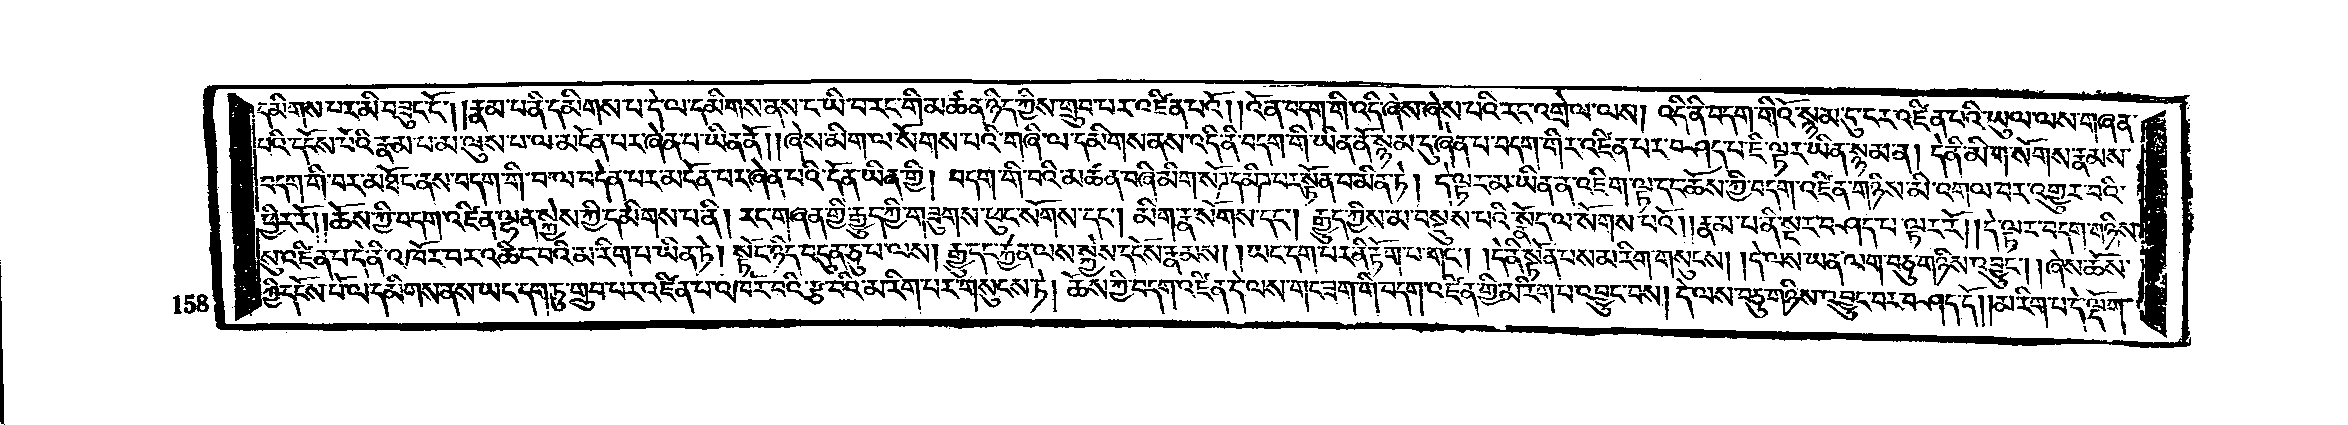དམིགས་པར་མི་བཟུང་ངོ། །རྣམ་པ་ནི་དམིགས་པ་དེ་ལ་དམིགས་ནས་ང་ཡི་བ་རང་གི་མཚན་ཉིད་ཀྱིས་གྲུབ་པར་འཛིན་པའོ། །འོ་ན་བདག་གི་འདི་ཞེས་ཞེས་པའི་རང་འགྲེལ་ལས། འདི་ནི་བདག་གིའོ་སྙམ་དུ་ངར་འཛིན་པའི་ཡུལ་ལས་གཞན་
པའི་དངོས་པོའི་རྣམ་པ་མ་ལུས་པ་ལ་མངོན་པར་ཞེན་པ་ཡིན་ནོ། །ཞེས་མིག་ལ་སོགས་པའི་གཞི་ལ་དམིགས་ནས་འདི་ནི་བདག་གི་ཡིན་ནོ་སྙམ་དུ་ཞེན་པ་བདག་གིར་འཛིན་པར་བཤད་པ་ཇི་ལྟར་ཡིན་སྙམ་ན། དེ་ནི་མིག་སོགས་རྣམས་
བདག་གི་བར་མཐོང་ནས་བདག་གི་བ་ལ་བདེན་པར་མངོན་པར་ཞེན་པའི་དོན་ཡིན་གྱི། བདག་གི་ངའི་མཚན་བཞི་མིག་སོགས་དམིགས་པར་སྟོན་པ་མིན་ཏེ། དེ་ལྟར་མ་ཡིན་ན་འཇིག་ལྟ་དང་ཆོས་ཀྱི་བདག་འཛིན་གཉིས་མི་འགལ་བར་འགྱུར་བའི་
ཕྱིར་རོ། །ཆོས་ཀྱི་བདག་འཛིན་ལྷན་སྐྱེས་ཀྱི་དམིགས་པ་ནི། རང་གཞན་གྱི་རྒྱུད་ཀྱི་གཟུགས་ཕུང་སོགས་དང་། མིག་རྣ་སོགས་དང་། རྒྱུད་ཀྱིས་མ་བསྡུས་པའི་སྣོད་ལ་སོགས་པའོ། །རྣམ་པ་ནི་སྔར་བཤད་པ་ལྟར་རོ། །དེ་ལྟར་བདག་གཉིས་
སུ་འཛིན་པ་དེ་ནི་འཁོར་བར་འཆིང་བའི་མ་རིག་པ་ཡིན་ཏེ། སྟོང་ཉིད་བདུན་ཅུ་པ་ལས། རྒྱུ་དང་རྐྱེན་ལས་སྐྱེས་དངོས་རྣམས། །ཡང་དག་པར་ནི་རྟོག་པ་གང་། །དེ་ནི་སྟོན་པས་མ་རིག་གསུངས། །དེ་ལས་ཡང་ལག་བཅུ་གཉིས་འབྱུང་། །ཞེས་ཆོས་
ཀྱི་དངོས་པོ་ལ་དམིགས་ནས་ཡང་དག་ཏུ་གྲུབ་པར་འཛིན་པ་འཁོར་བའི་རྩ་བའི་མ་རིག་པར་གསུངས་ཏེ། ཆོས་ཀྱི་བདག་འཛིན་དེ་ལས་གང་ཟག་གི་བདག་འཛིན་གྱི་མ་རིག་པ་འབྱུང་བས། དེ་ལས་བཅུ་གཉིས་འབྱུང་བར་བཤད་དོ། །མ་རིག་པ་དེ་ལྡོག་